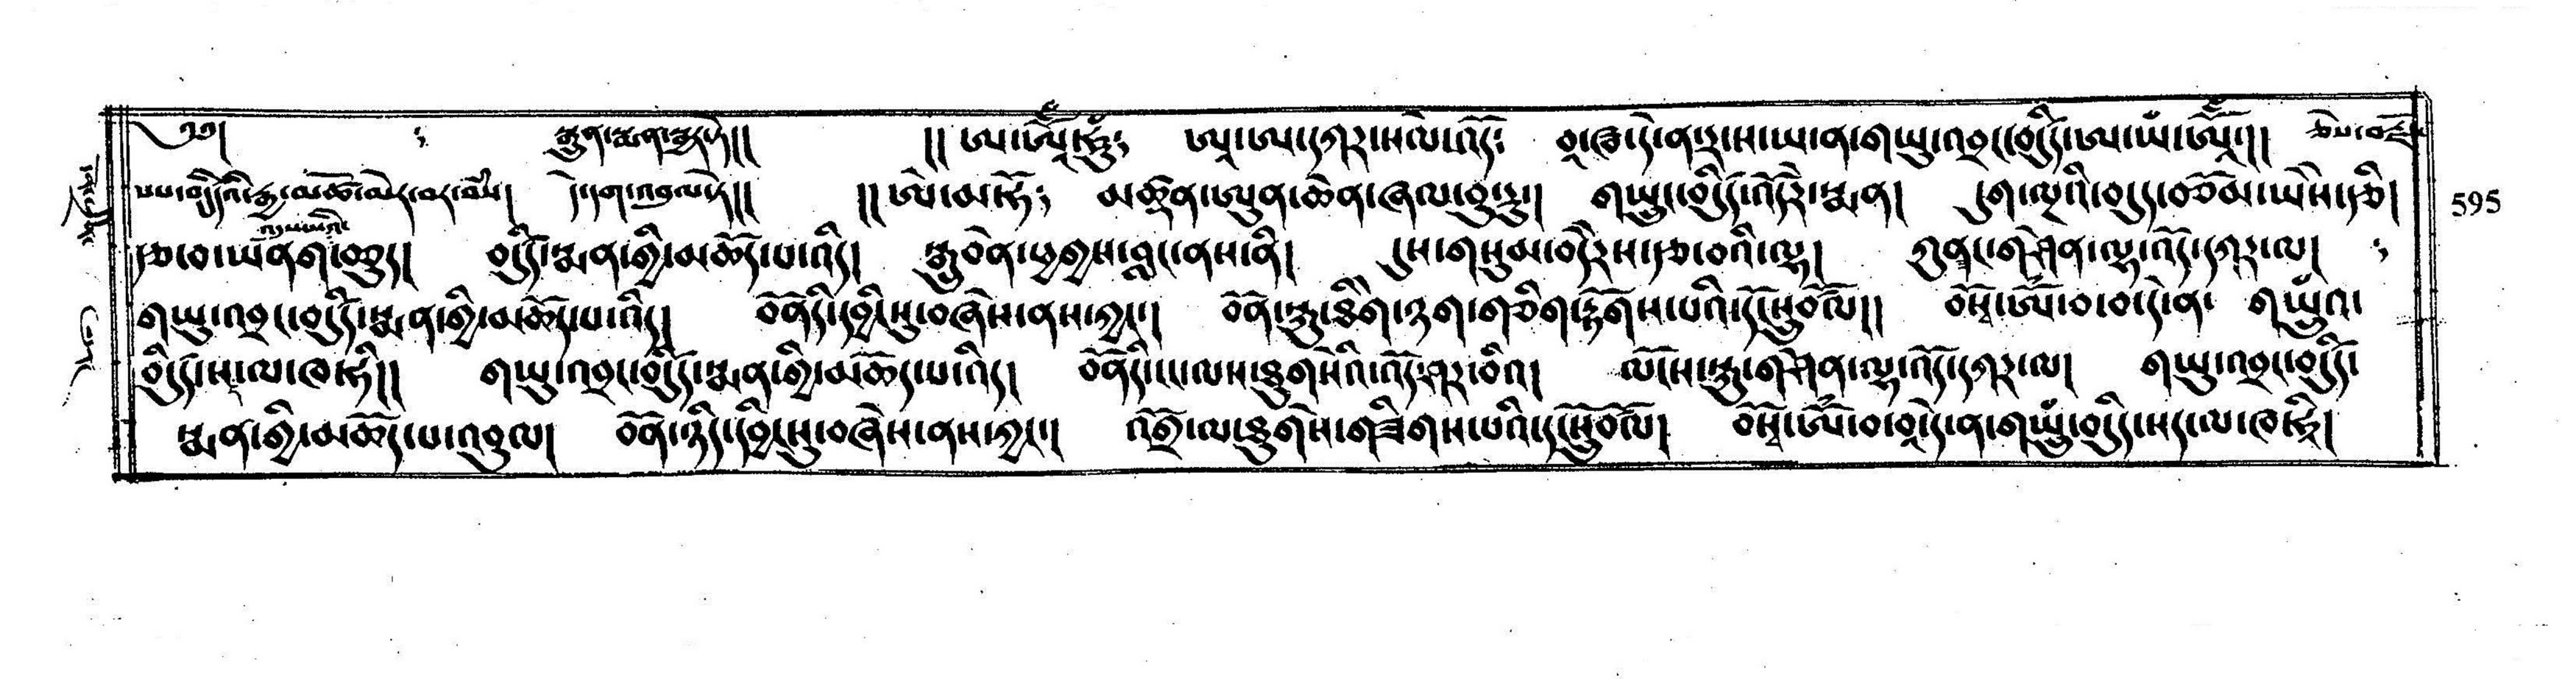སྒྲུན་སྨན་སྦྱར་ཏེ།། །།ཨ་ཨཱོཾ་ཧཱུཾ། ཨཱ་ཨ་དཀར་སལེ་འོད༴ བཱ་ཝ་དེ་ན་ར་ས་ཡ་ན་གཡུ་འབྲང་བདུད་རྩི་ཨ་ཡཾ་ཨཱོཾ།། ཅེས་བརྗོད་
པས་བདུད་རྩིའི་རྒྱ་མཚོ་མེད་བར་བསམ། དེ་དག་འབུལ་ཏེ།། །།ཨེ་མ་ཧོ། མཚན་ལྡན་ཨུན་ཆེན་ཞལ་བུ་རུ། གཡུ་འབྲང་བདུད་རྩི་འོད་ཟེར་སྨན། དུག་ལྔའི་བདུད་བཅོམ་ཡེ་ཤེས་རྩི། 
རྩ་བ་ཡན་ལག་འདུས་པའི་བཅུད། བདུད་རྩི་སྨན་གྱི་མཆོད་པ་འདི། སྒྲུབ་ཆེན་ཕྱག་རྒྱས་བླང་ནས་ནི། དུས་གསུམ་བདེར་གཤེགས་རྩ་བའི་ལྷ། ཀུན་བཟང་གཤེན་ལྷ་འོད་དཀར་ལ། 
གཡུ་འབྲང་བདུད་རྩི་སྨན་གྱི་མཆོད་པ་འདི། བོན་ཉིད་དབྱིངས་སུ་བཞེས་ནས་ཀྱང་། བོན་སྐུ་ཐིག་ལེ་ཉག་གཅིག་རྟོགས་པའི་དངོས་གྲུབ་སྩོལ།། བསྭོ་ཨོཾ་བ་བ་དེ་ན། གཡུ་འབྲང་
བདུད་རྩི་སད་ལ་ཁ་ཧི།། གཡུ་འབྲང་བདུད་རྩི་སྨན་གྱི་མཆོད་པ་འདི། བོན་ཉིད་ངང་ལས་ཐུགས་རྗེའི་འོད་ཤར་བའི། ལོངས་སྐུ་གཤེན་ལྷ་འོད་དཀར་ལ། གཡུ་འབྲང་བདུད་རྩི་
སྨན་གྱི་མཆོད་པ་འབུལ། བོན་ཉིད་དབྱིངས་སུ་བཞེས་ནས་ཀྱང་། འགྲོ་ལ་ཐུགས་རྗེ་གཟིགས་པའི་དངོས་གྲུབ་སྩོལ། བསྭོ་ཨོཾ་བ་བཱ་དེ་ན་གཡུ་འབྲང་བདུད་རྩི་སད་ལ་ཁ་ཧཱི།